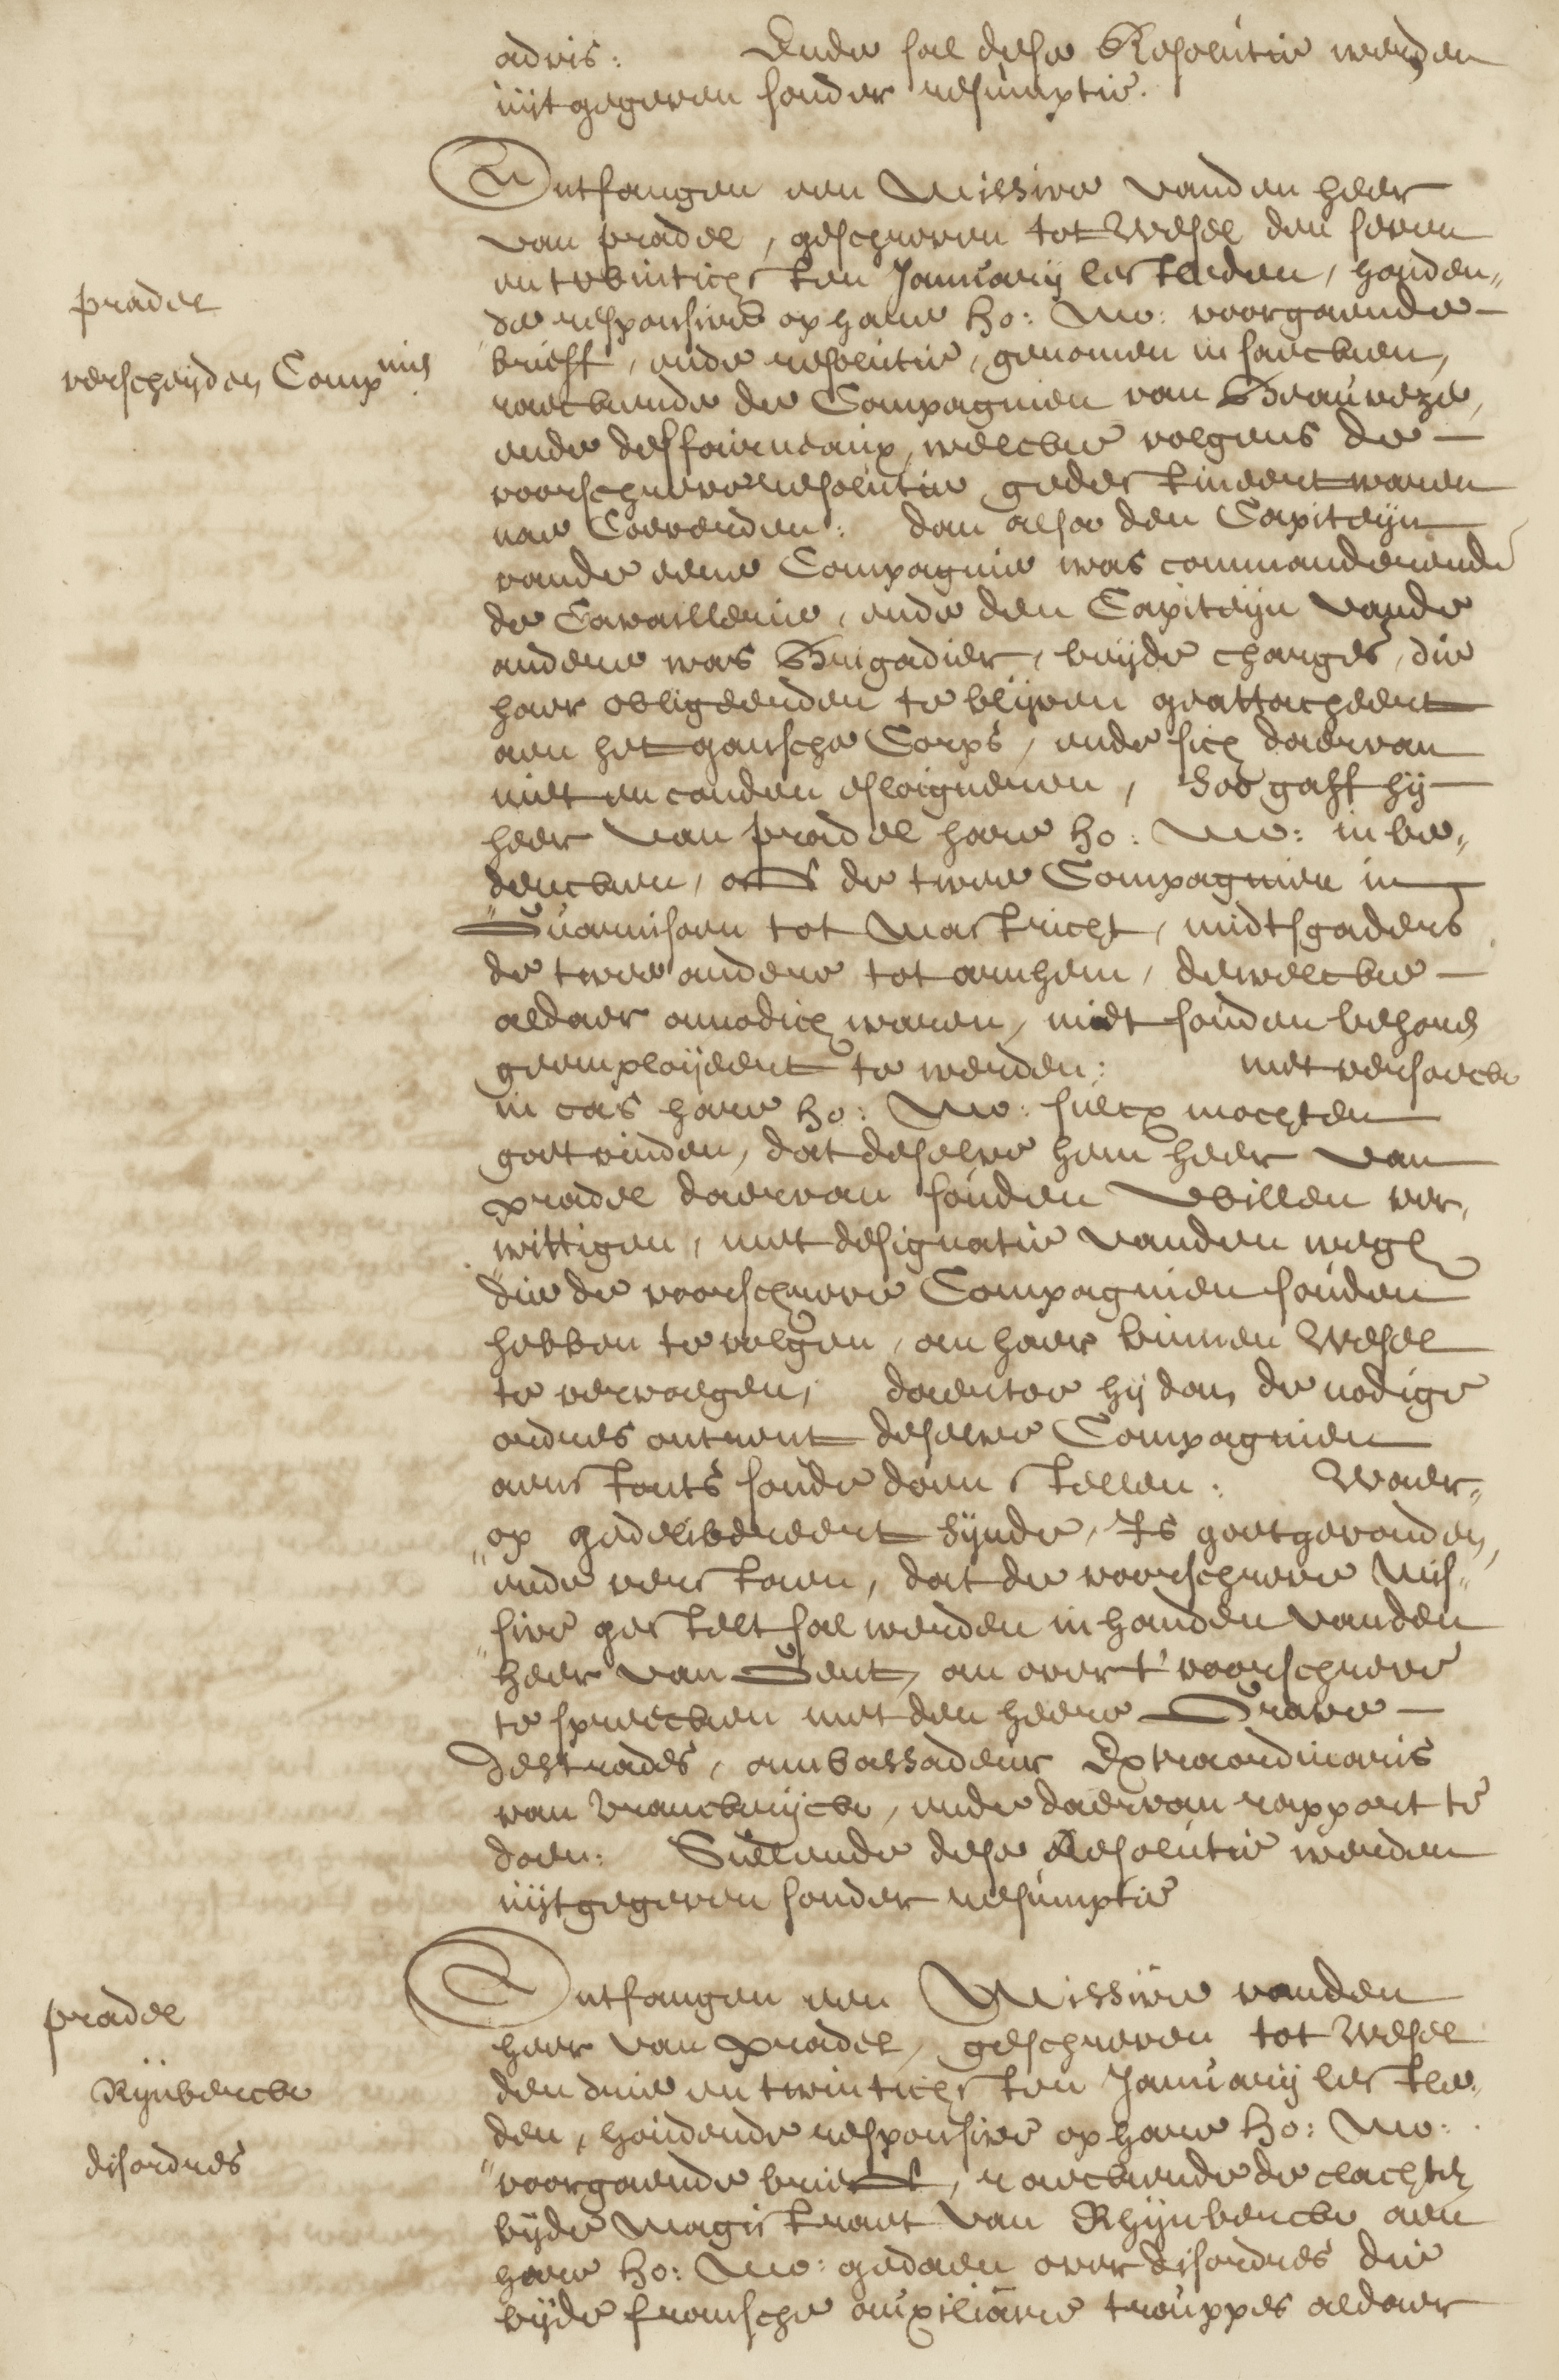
advis: Ende sal dese Resolutie werden
uijtgegeven sonder resumptie.
pradel
verscheijden Compnien.
Ontfangen een Missive vanden heer
van pradel, geschreven tot Wesel den seven
en twintichsten Januarij lestleden, houden„
„de responsive, op hare Ho:Mo: voorgaende -
brieff, ende resolutie, genomen in saecken,
raeckende de Compagnien van Beauveze,
ende desfairneaux, welcke volgens de —
voorschreve resolutie gedestineert waren
nae Coeverden: dan alsoe den Capiteijn
vande eene Compagnie was commanderende
de Cavaillerie, ende den Capiteijn vande
andere was Brigadier, beijde charges, die
haer obligeerden te blijven geattacheert
aen het gansche Corps, ende sich daervan
niet en conden esloigneren, soo gaff hij —
heer van pradel hare ho:Mo: in be,,
„dencken, off de twee Compagnien in
Guarnisoen tot Mastricht, midtsgaders
de twee andere tot arnhem, dewelcke —
aldaer onnodich waren, niet souden behoren
geemploijeert te werden; met versoeck
in cas hare ho:Mo sulcx mochten
goetvinden, dat deselve hem heer van
pradel daervan souden willen ver,
wittigen, met designatie vanden wegh
die de voorschreve Compagnien souden
hebben te volgen, om haer binnen Wesel
te vervoegen; daertoe hij dan de nodige
ordres ontrent deselve Compagnien
aenstonts soude doen stellen. Waer,,
„op gedelibereert sijnde, Is goetgevonden,
ende verstaen, dat de voorschreve Mis,,
„sive gestelt sal werden in handen vanden
heer van Gent, om overt' voorschreve
te spreecken met den heere Grave —
Destrades, ambassadeur Extraordinaris
van Vranckrijck, ende daervan rapport te
doen: Sullende dese Resolutie werden
uijtgegeven sonder resumptie
pradel
Rijnberck
disordres
Ontfangen een Missive vanden
heer van Pradel, geschreven tot Wesel
den drie en twintichsten Januarij lestle,,
„den, houdende responsive op hare Ho:Mo:
voorgaende brieff, raeckende de clachten
bijde Magistraet van Rhijnberck aen
hare ho:Mo: gedaen over disordres die
bijde fransche auxiliaire trouppes aldaer
